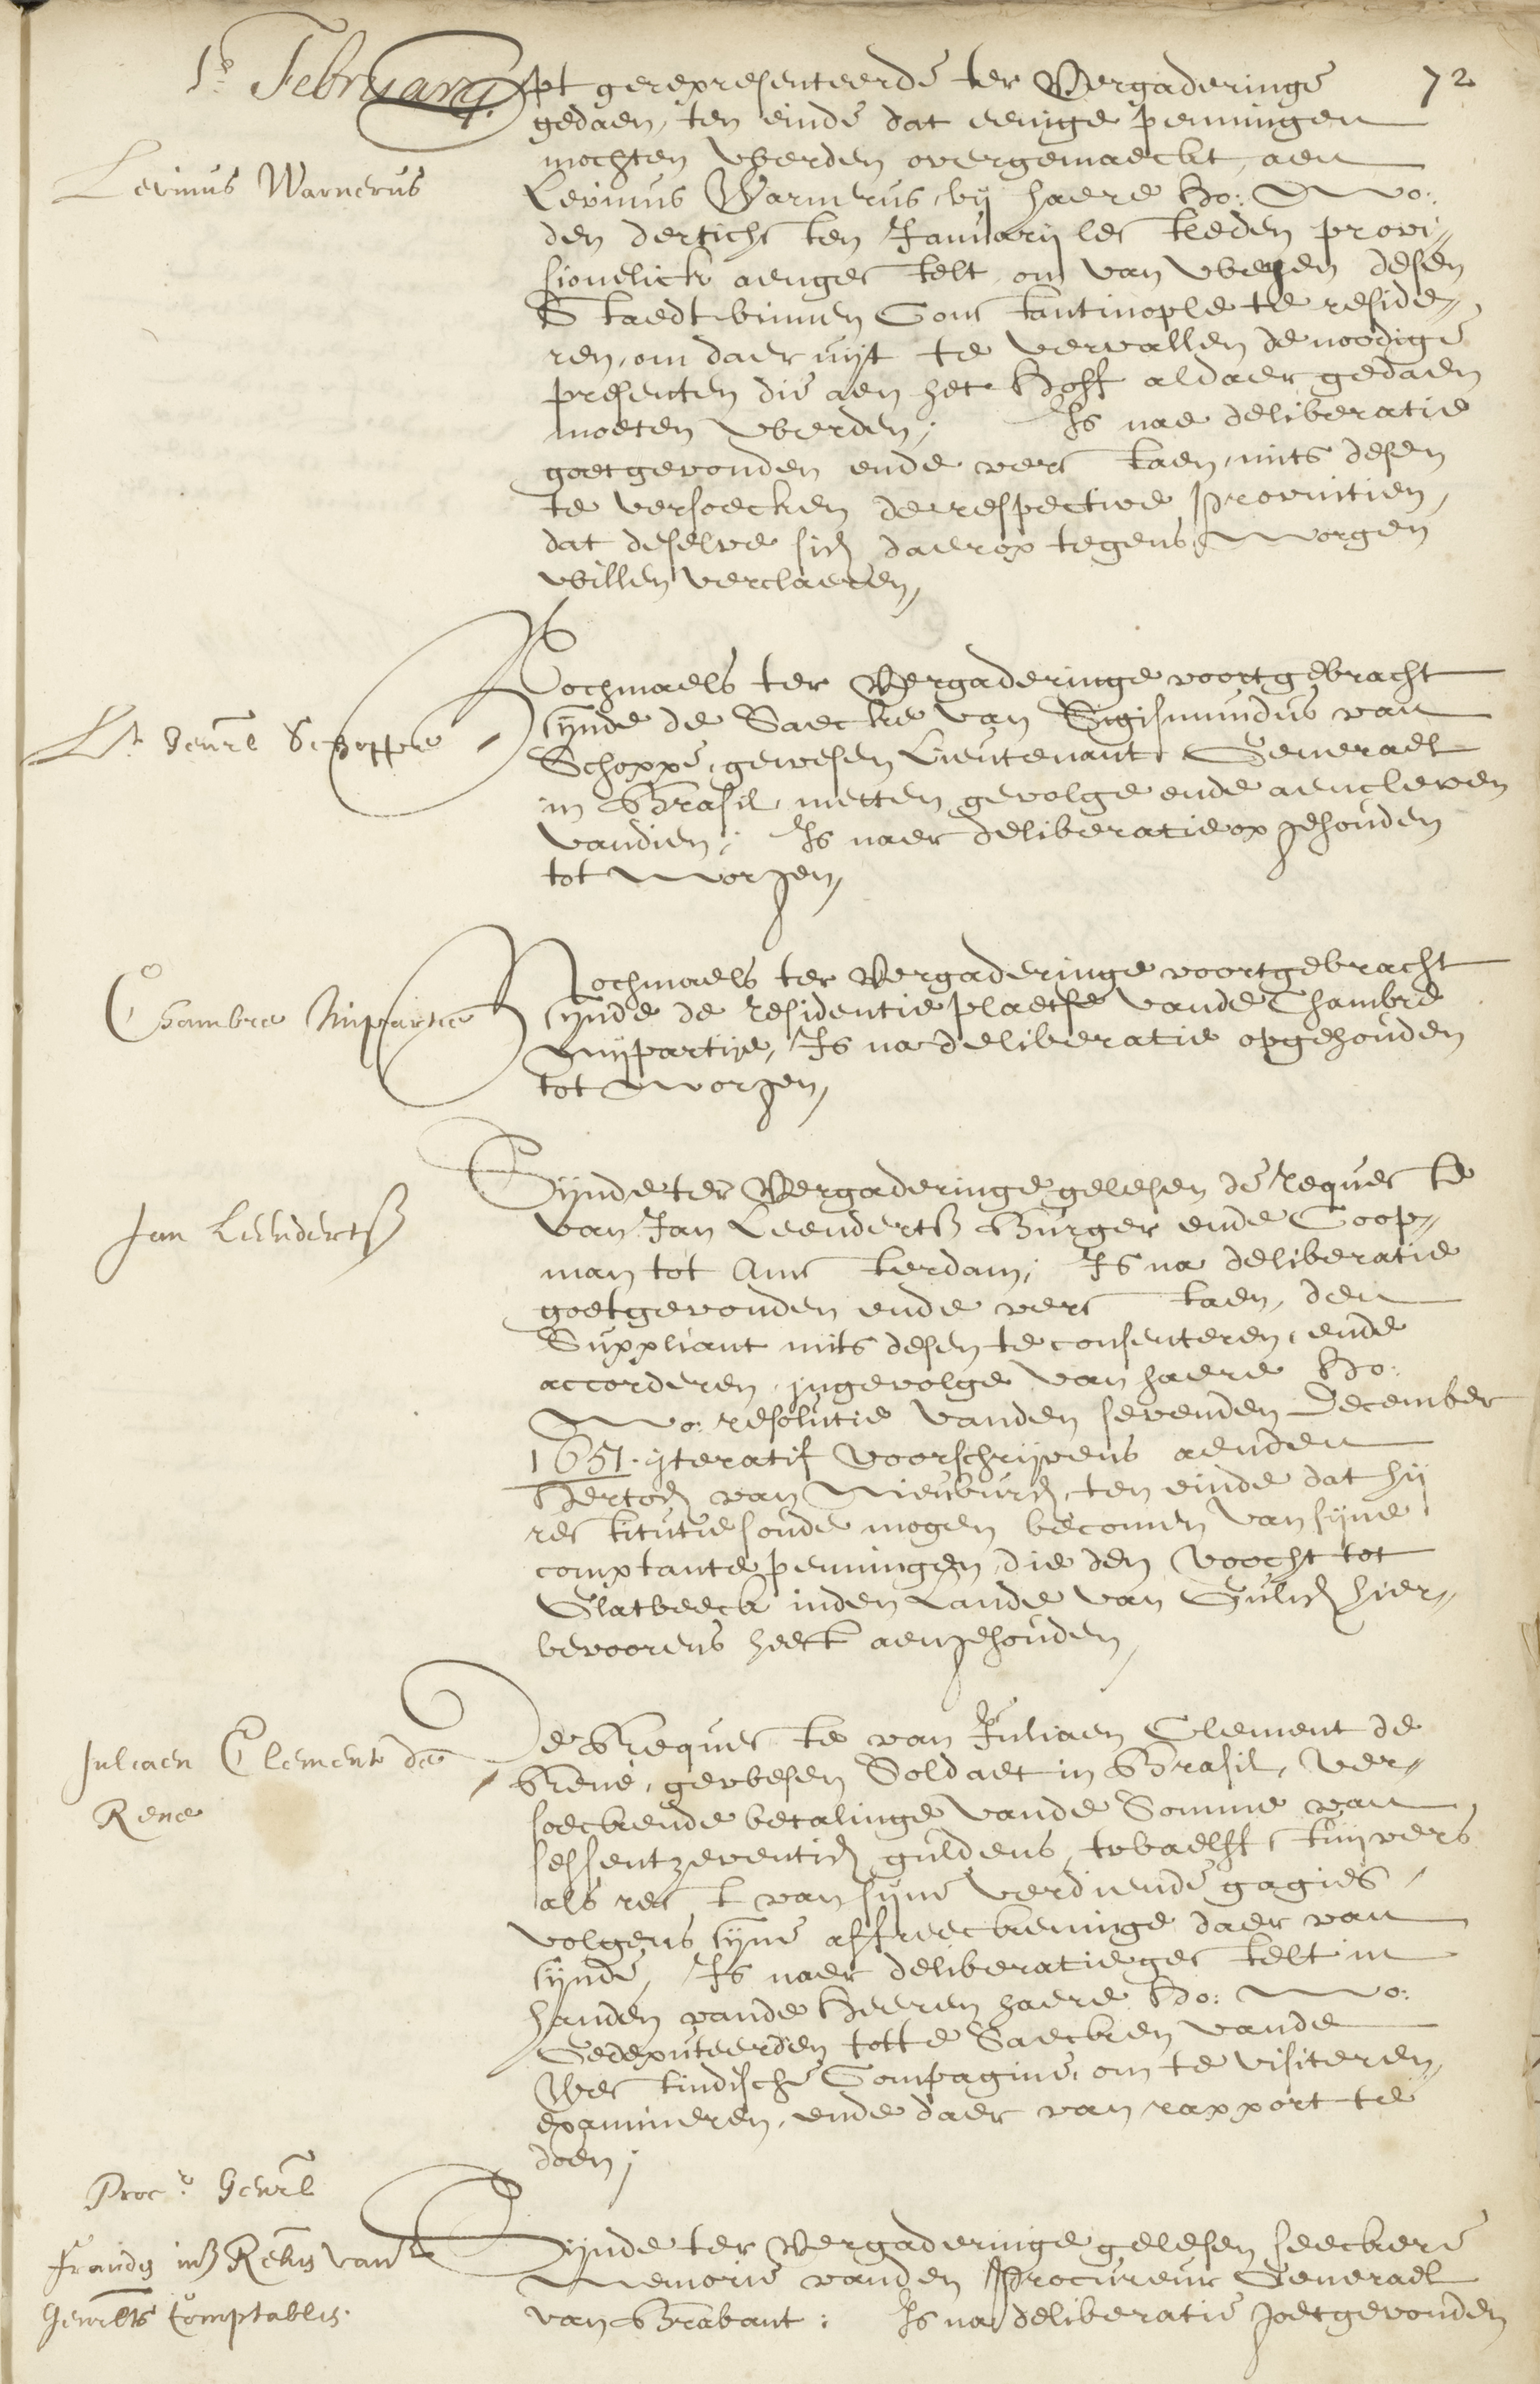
72
1e. Februari.
Levinus Warnerus
Opt gerepresenteerde ter Vergaderinge
gedaen, ten einde dat eenige penningen
mochten werden overgemaeckt, aen
Levinus Warnerus, bij haere Ho:Mo:
den dertichsten Januarij lestleden provi„
sionelick aengestelt om van wegen desen
Staedt binnen Constantinople te reside„
ren, om daer uijt te vervallen de noodige
presenten die aen het Hoff aldaer gedaen
moeten werden; Is nae deliberatie
goetgevonden ende verstaen, mits desen
te versoecken de respective Provintien,
dat deselve sich daerop tegens morgen
willen verclaeren.
Lt Genrl Schoppe
Nochmaels ter Vergaderinge voortgebracht
sijnde de Saecke van Sigismundus van
Schoppe, gewesen Lieutenant Generael
in Brasil, metten gevolge ende aencleven
vandien; Is naer deliberatie op gehouden
tot morgen.
Chambre Mipartie
Nochmaels ter Vergaderinge voortgebracht
sijnde de residentieplaetse vande Chambre
Mijpartije, Is na deliberatie opgehouden
tot morgen.
Jan Leendertsz
Sijnde ter Vergaderinge gelesen de Requeste
van Jan Leendertsz Burger ende Coop„
man tot Amsterdam; Is na deliberatie
goetgevonden ende verstaen, den
Suppliant mits desen te consenteren, ende
accorderen, ingevolge van haere Ho:
Mo: resolutie vanden sevenden December
1651 iteratif voorschrijvens aenden
Hertoch van Nieuburch ten einde dat hij
restitutie soude mogen becomen van sijne
comptante penningen, die den voocht tot
Glatbeeck inden Lande van Gulich hier„
bevoorens heeft aengehouden.
Juliaen Clement de
Rene
De Requeste van Juliaen Clement de
René, gewesen Soldaet in Brasil, ver„
soeckende betalinge vande Somme van
sessentzeventich guldens, twaelff stuijvers
als rest van sijne verdiende gagies,
volgens sijne affreeckeninge daer van
sijnde, Is naer deliberatie gestelt in
handen vande Heeren haere Ho:Mo:
Gedeputeerden totte Saecken vande
Westindische Compagnie, om te visiteren,
examineren, ende daer van rapport te
doen.
Procr. Genrl
Frauden in Rekn van
Genrlts Comptablis.
Sijnde ter Vergaderinge gelesen seeckere
memorie vanden Procureur Generael
van Brabant: Is na deliberatie goetgevonden
